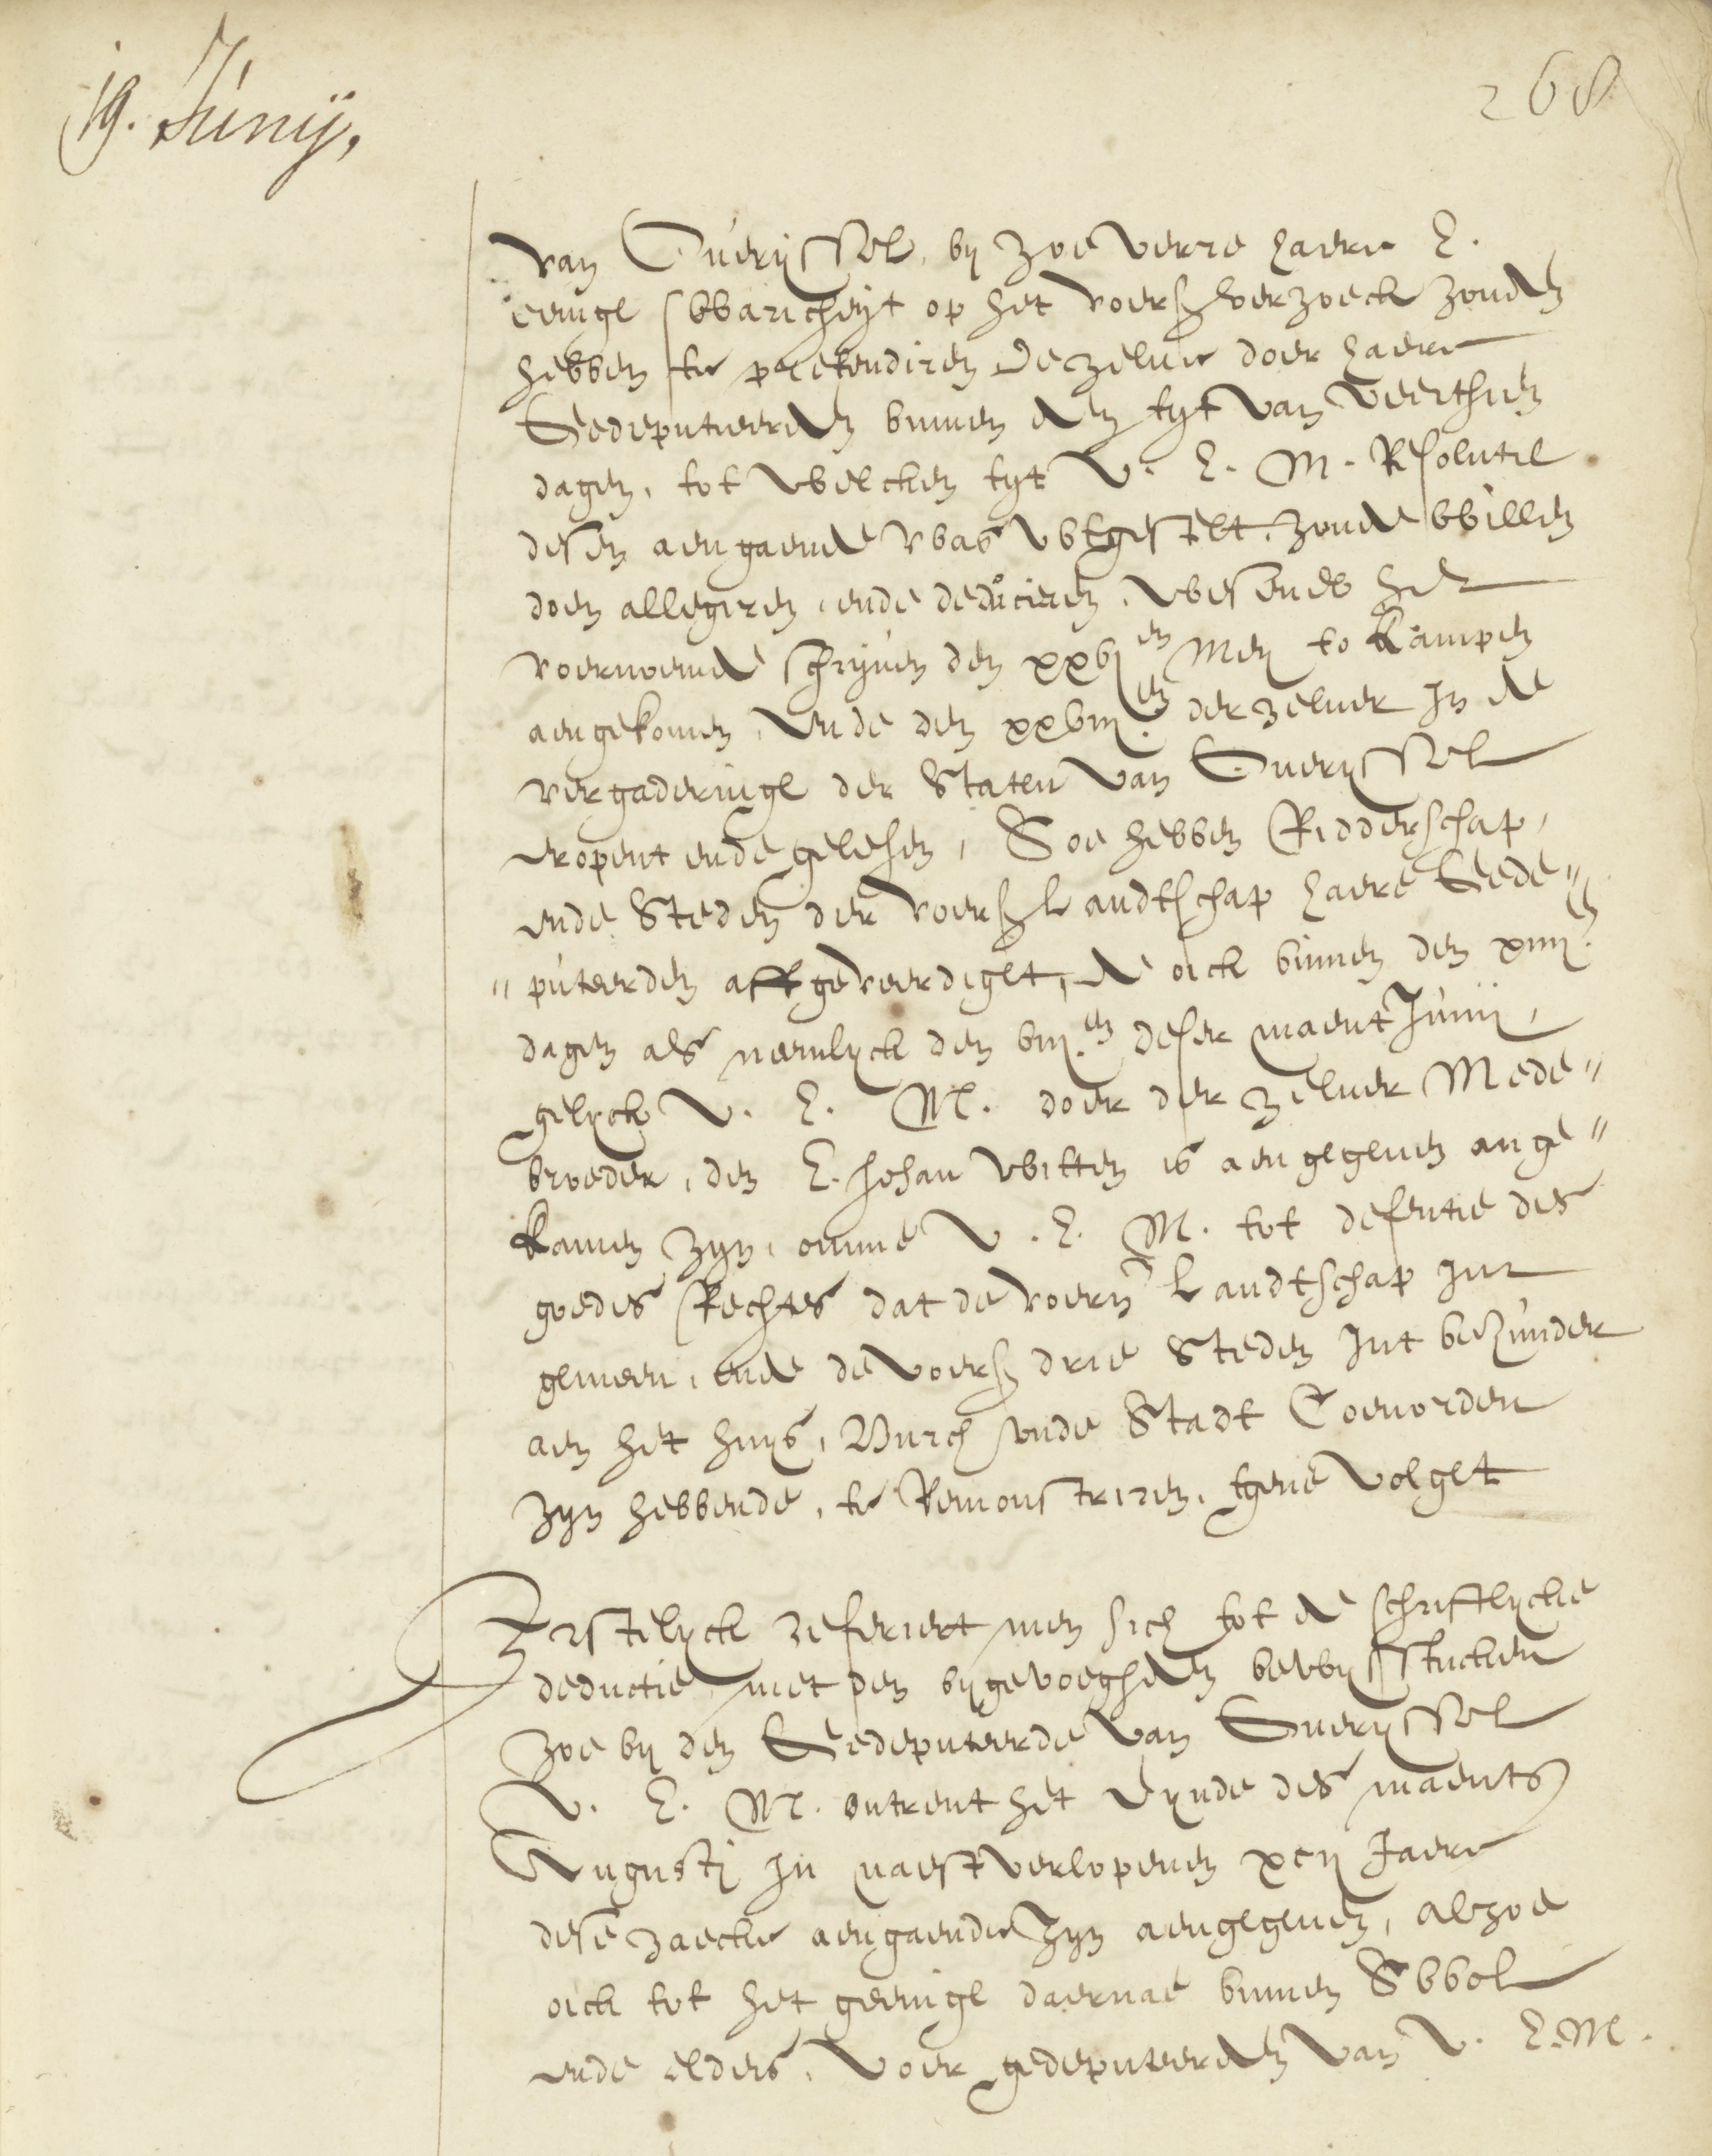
268
19. Junij.
van Overijssel, by zoeverre haere E.
eenige swaricheijt op het voers verzoeck zouden
hebben te pretendiren de zelue doer haere
Gedeputieerden binnen den tyt van veerthien
dagen, tot welcken tyt U. E. M. Resolutie
desen aengaende was Wtgestelt. Zoude willen
doen allegiren, ende dediciren, wesende het
voernoemde schrijuen den xxvien Mey to Kampen
aengekomen, ende den xxvije der zelver In de
vergaderinge der Staten van Oueryssel
eropent ende gelesen. Soe hebben Ridderschap,
ende Steden der voers Landtschap haere Gede„
„puteerden affgeveerdight, die oick binnen den xiiije.
dagen als naemlyck den viii.en deser maent Junij
gelyck U. E. M. doer der zelUer Mede„
broeder, den E. Johan Witten is aengegeUen ange„
komen zyn, omme U. E. M. tot desentie des
goedes Rechtes dat de voern Landtschap Int
gemeen, ende de voers drie steden Int bezunder
aen het huys, Burch ende Stadt Coevorden
zyn hebbende, te Remonstriren, tgene volght
Irstelyck referiert, men sich tot de schriftlycke
deductie, met den bygevoeghden bewysstucken
zoe by den Gedeputeerde van Oueryssel
U. E. M. ontrent het eynde des maents
Augusti In naestverlopenen xcij jaere
dese zaecke aengaende zyn aengegeuen, alzoe
oick tot het geenige daernae binnen Swol
ende elders, voer gedeputeerden van U. E. M.
